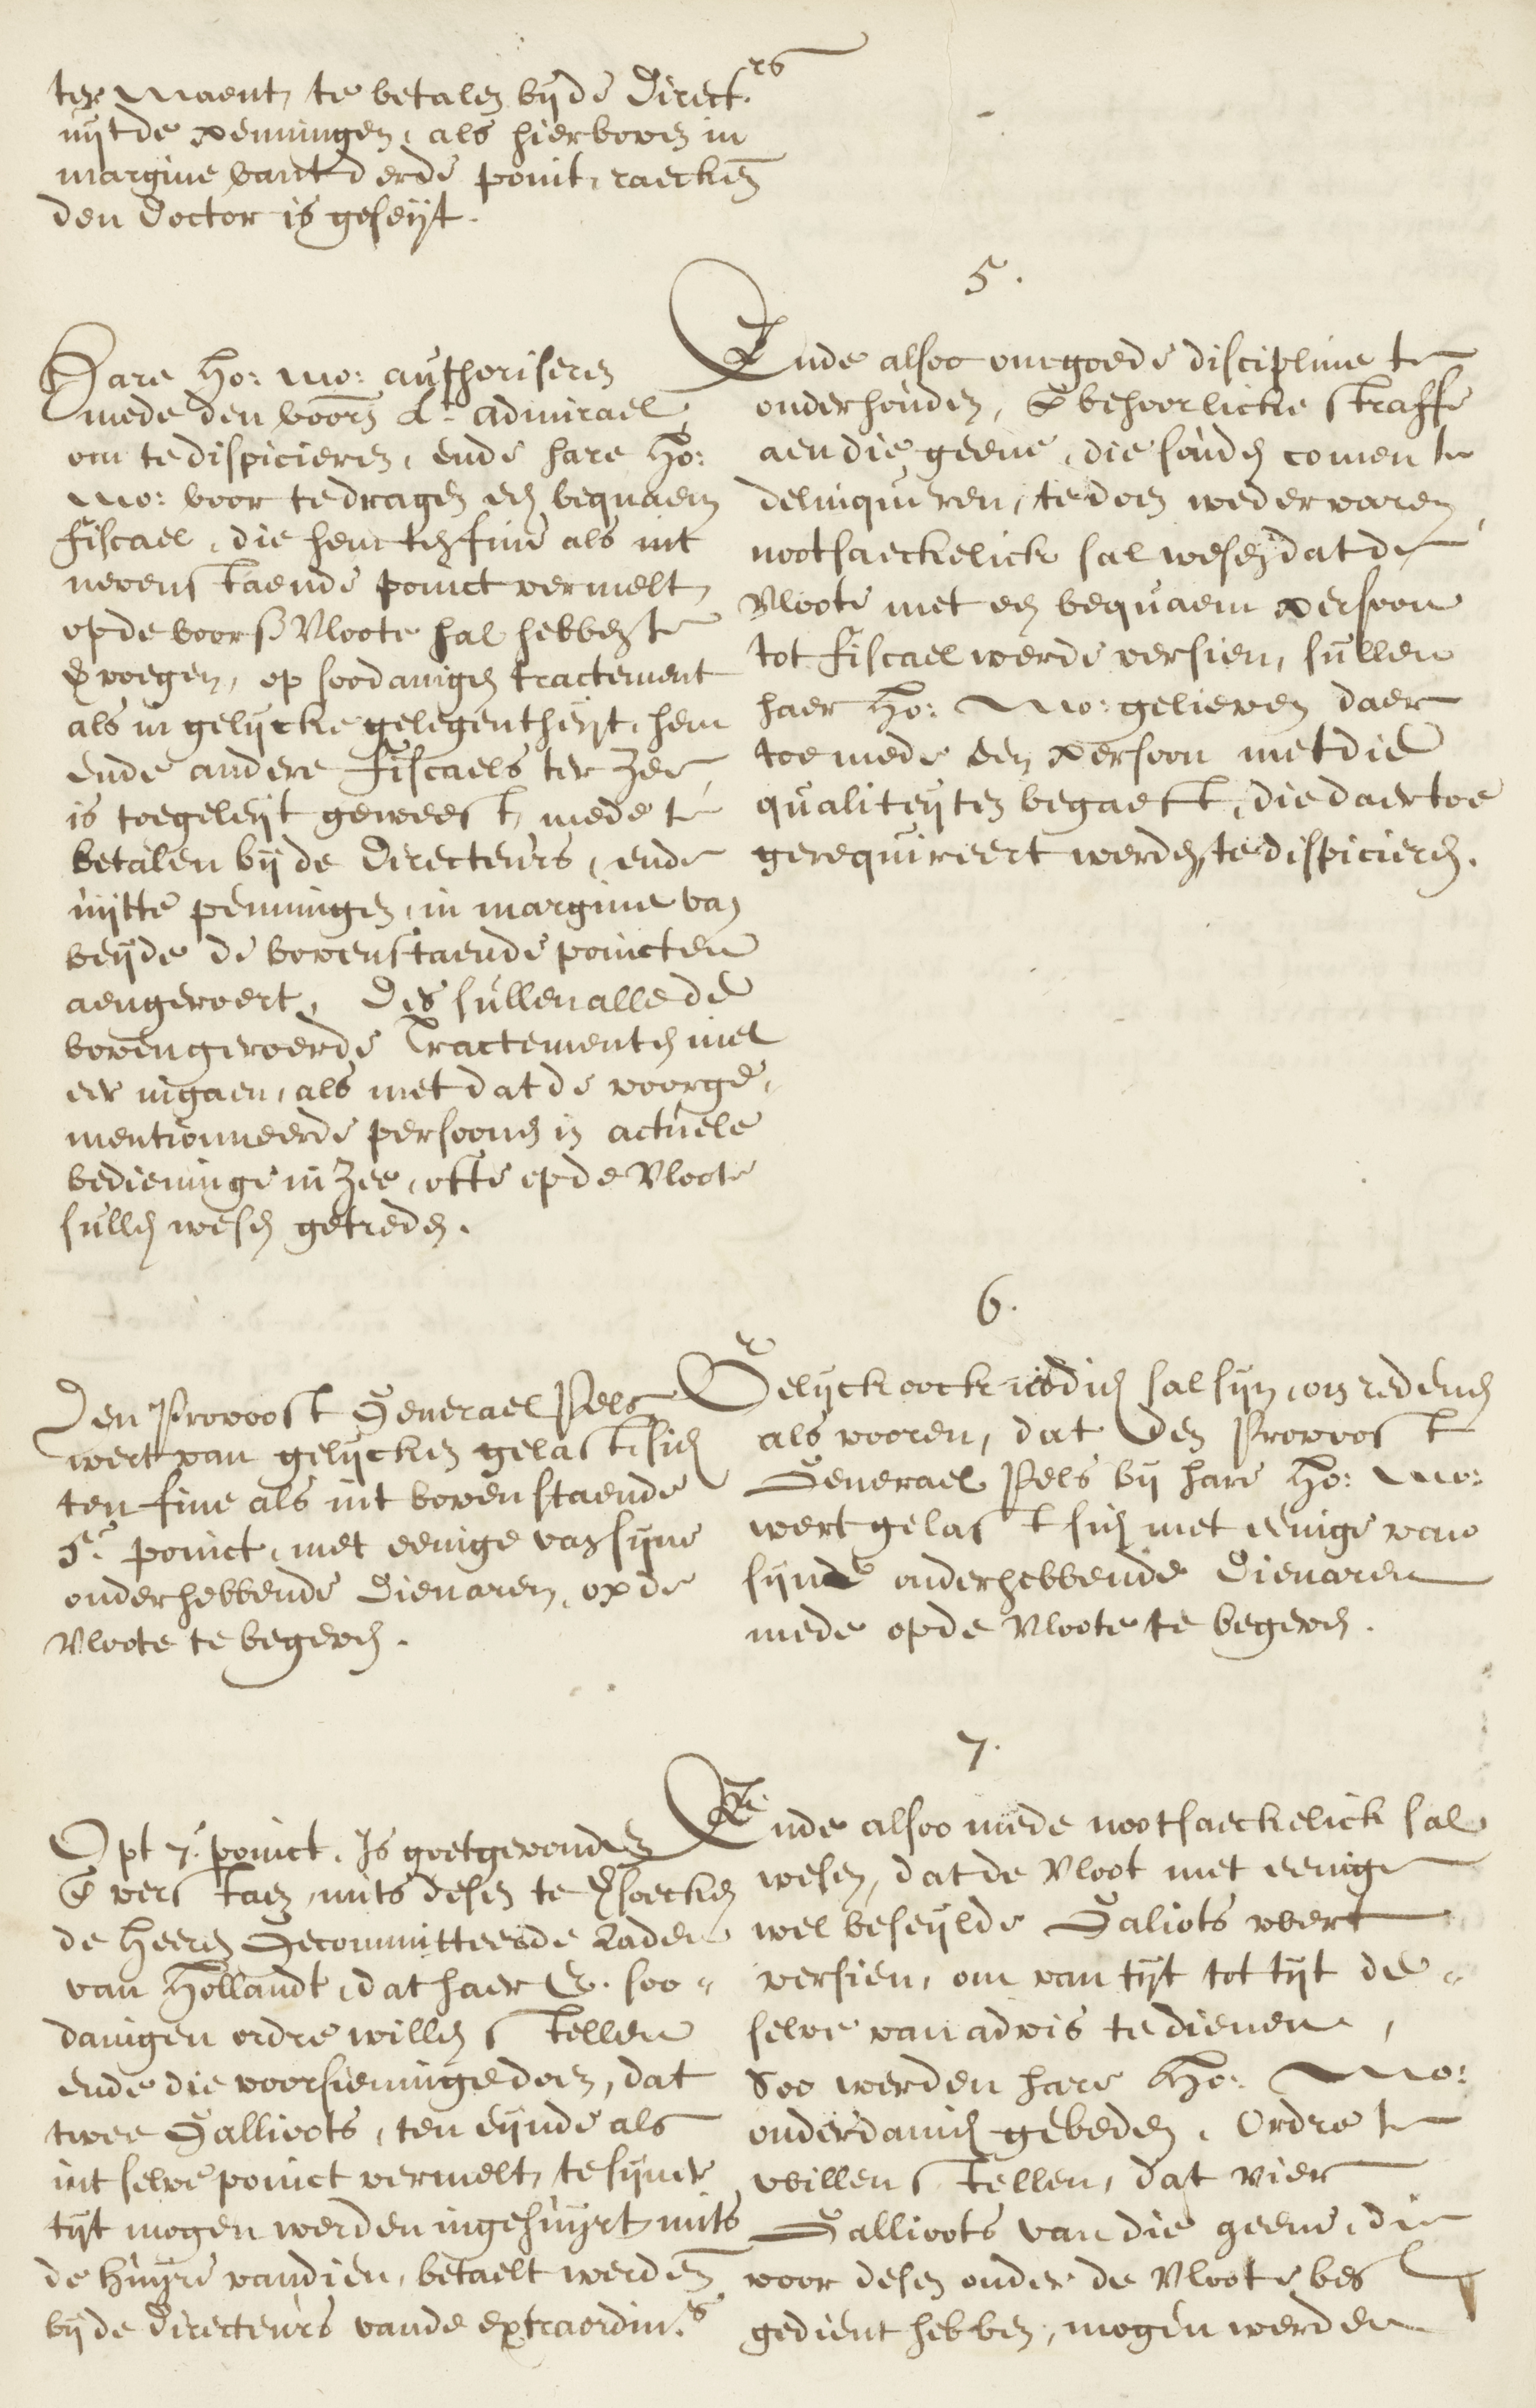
ter maent te betalen bij de directrs.
uijt de penningen, als hierboven in
margine vant derde point, raecken
den doctor is geseijt.
5.
Ende alsoo om goede discipline te
onderhouden, & behoorlicke straffe
aen die geene, die souden comen te
delinqueren, te doen wedervaren
nootsaeckelick sal wesen dat de
Vloote met een bequaem persoon
tot fiscael werde versien, sullen
haer Ho:mo: gelieven daer
toe mede een persoon met die
qualiteijten begaeft, die daertoe
gerequireert werden te dispicieren.
Hare ho:mo: authoriseren
mede den voorn Lt. Admirael
om te dispicieren, ende hare Ho:
mo: voor te dragen een bequaem
fiscael, die hem ten fine als int
nevenstaende poinct vermelt,
opde voors Vloote sal hebben te
vvoegen, op soodanigen tractement
als in gelijcke gelegentheijt, hem
ende andere Fiscaels ter Zee
is toegeleijt geweest, mede te
betalen bij de Directeurs, ende
uijtte penningen, in margine van
beijde de bovenstaende poincten
aengeroert, Des sullen alle de
bovengeroerde Tractementen niet
eer ingaen, als met dat de voorge„
mentionneerde persoonen in actuele
bedieninge in Zee, ofte opde Vloote
sullen wesen getreden.
6.
Gelijck oock nodich sal sijn, om redenen
als vooren, dat den Provoost
Generael Pels bij hare Ho:mo:
wert gelast sich met eenige van
sijne onderhebbende dienaren
mede opde Vloote te begeven.
Den Provoost Generael Pels
wert van gelijcken gelast sich
ten fine als int boven staende
5e poinct, met eenige van sijne
onderhebbende dienaren, op de
Vloote te begeven.
7.
Ende alsoo mede nootsaeckelick sal
wesen, dat de Vloot met eenige
wel beseijlde Galiots wert
versien, om van tijt tot tijt de„
selve van advis te dienen,
Soo werden hare Ho:mo:
onderdanen gebeden, ordre te
willen stellen, dat vier
Gallioots van die geene, die
voor desen onder de Vloote best
gedient hebben, mogen werden
Opt 7e poinct, Is goetgevonden
& verstaen, mits desen te vsoecken
de Heeren Gecommiteerde raden
van Hollandt, dat haer E. soo„
danigen ordre willen stellen
ende die voorsieninge doen, dat
twee Gallioots, ten eijnde als
int selve poinct vermelt, te sijner
tijt mogen werden ingehuijrt, mits
de huijre vandien, betaelt werden
bijde Directeurs vande extraordins.
